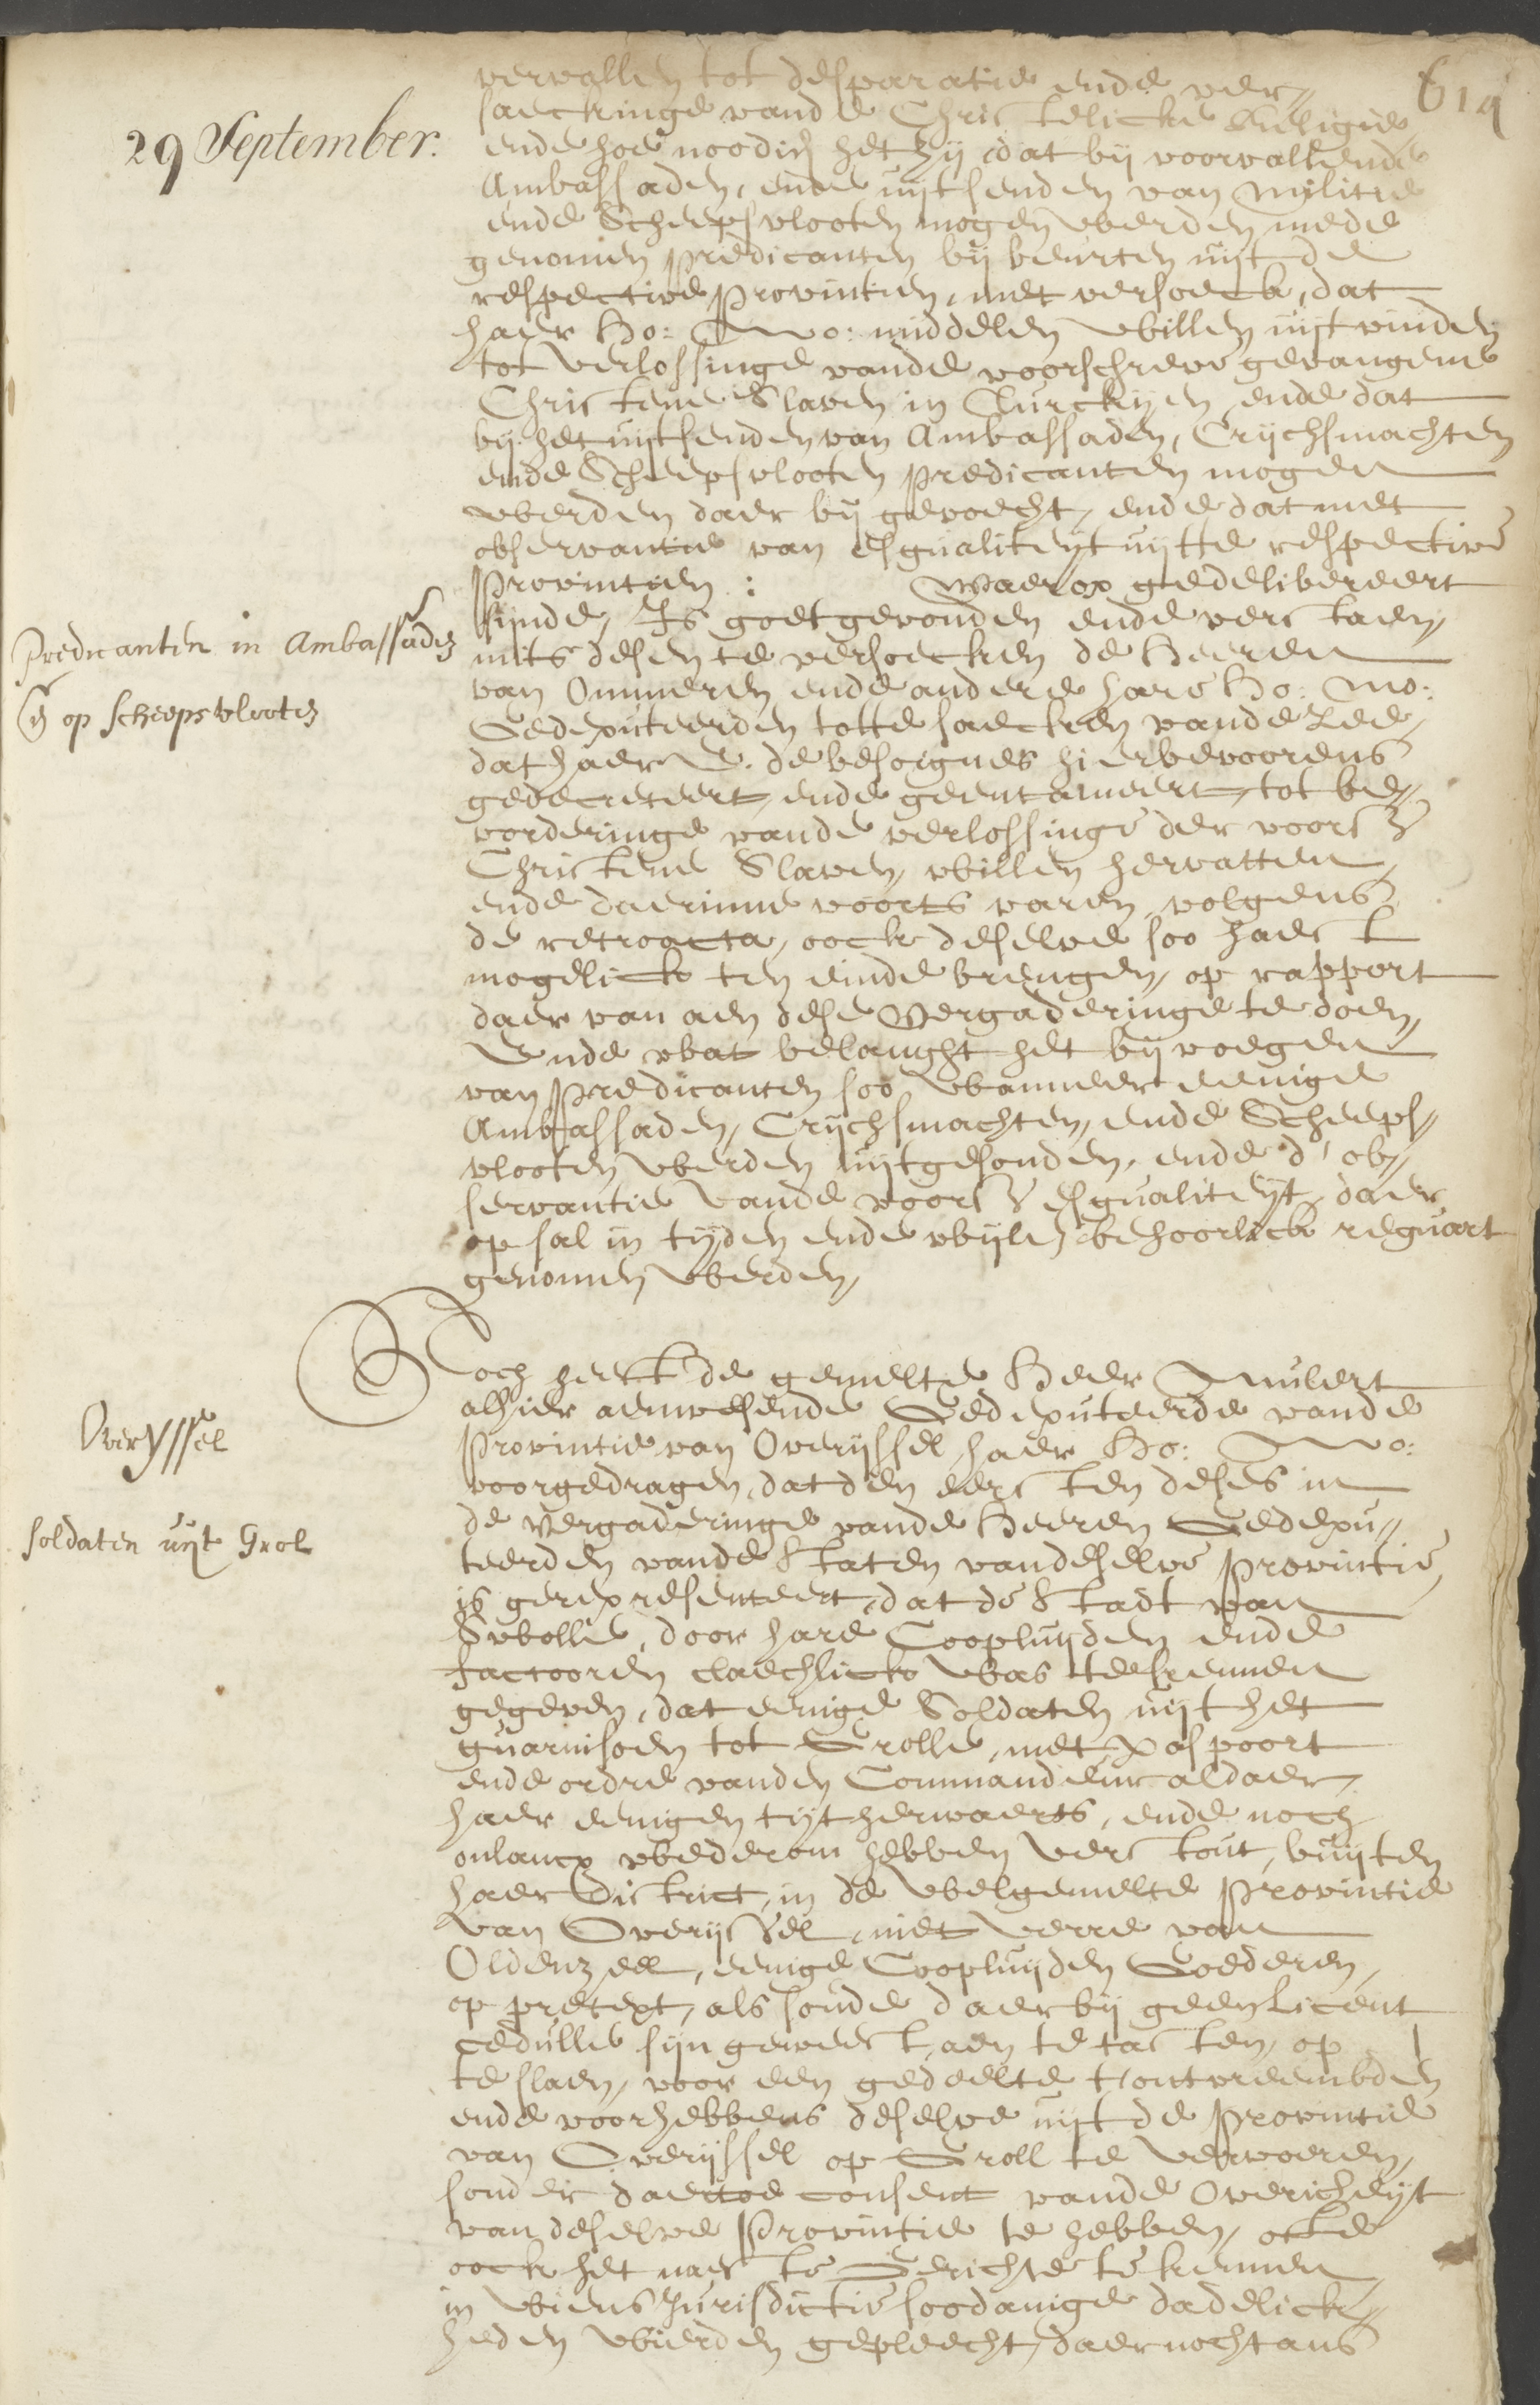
614
29 September.
Predicanten in Ambassaden
& op scheepsvlooten
vervallen tot desparatie ende ver„
saeckinge vande Christelicke Religie
ende hoe noodich het zij dat bij voorvallende
Ambassaden, ende uijtsenden van militie
ende Scheepsvlooten mogen werden mede
genomen predicanten bij beurten uijt de
respective provintien, met versoeck, dat
haer Ho:Mo: middelen willen uijtvinden
tot verlossinge vande voorschreve gevangene
Christene Slaven in Turckijen ende dat
bij het uijtsenden van Ambassaden, Crijchsmachten
ende Scheepsvlooten predicanten mogen
werden daer bij gevoecht, ende dat met
observantie van Esgualiteijt uijtte respective
Provintien: Waerop gedelibereert
sijnde, Is goetgevonden ende verstaen,
mits desen te versoecken de Heeren
van Ommeren ende andere hare Ho:Mo:
Gedeputeerden totte saecken vande Zee,
dat haer E. de besoignes hierbevoorens
gedecreteert, ende geentameert, tot be„
vorderinge vande verlossinge der voors
Christene Slaven, willen hervatten
ende daerinne voorts varen volgens
de retroacta, oock deselve soo haest
mogelick ten einde brengen, op rapport
daer van aen dese Vergaderinge te doen.
Ende wat belanght het bijvoegen
van predicanten soo wanneer eenige
Ambassaden, Crijchsmachten, ende Scheeps„
vlooten werden uijtgesonden, ende d'ob„
servantie vande voors Esgualiteijt daer
op sal in tijden ende wijlen behoorlick reguart
genomen werden.
OverYssel
soldaten uijt Grol
Noch heeft de gemelte Heer Mulert
alhier aenwesende Gedeputeerde vande
Provintie van Overijssel, haer Ho:Mo:
voorgedragen, dat den eersten deses in
de Vergaderinge vande Heeren Gedepu„
teerden vande Staten van deselve provintie
is gerepresenteert, dat de Stadt van
Swolle door hare Coopluijden ende
factooren claechlick was te kennen
gegeven, dat eenige Soldaten uijt het
guarnisoen tot Grolle, met paspoort
ende ordre vanden Commandeur aldaer,
haer eenigen tijt herwaerts, ende noch
onlancx wederom hebben verstout, buijten
haer District, in de welgemelte Provintie
van Overijssel, niet verre van
Oldenzeel, eenige Coopluijden Goederen,
op pretext, als soude daerbij geen licent
cedulle sijn geweest, aen te tasten, op
te slaen, voor een gedeelte t'ontvreembden
ende voorhebbens deselve uijt de provintie
van Overijssel op Groll te verrvoeren,
sonder daertoe consent vande Overicheijt
van deselve Provintie te hebben, ofte
oock het naeste Gerichte te kennen
in wiens Jurisdictie soodanige dadelick„
heden wierden gepleecht, daernochtans
